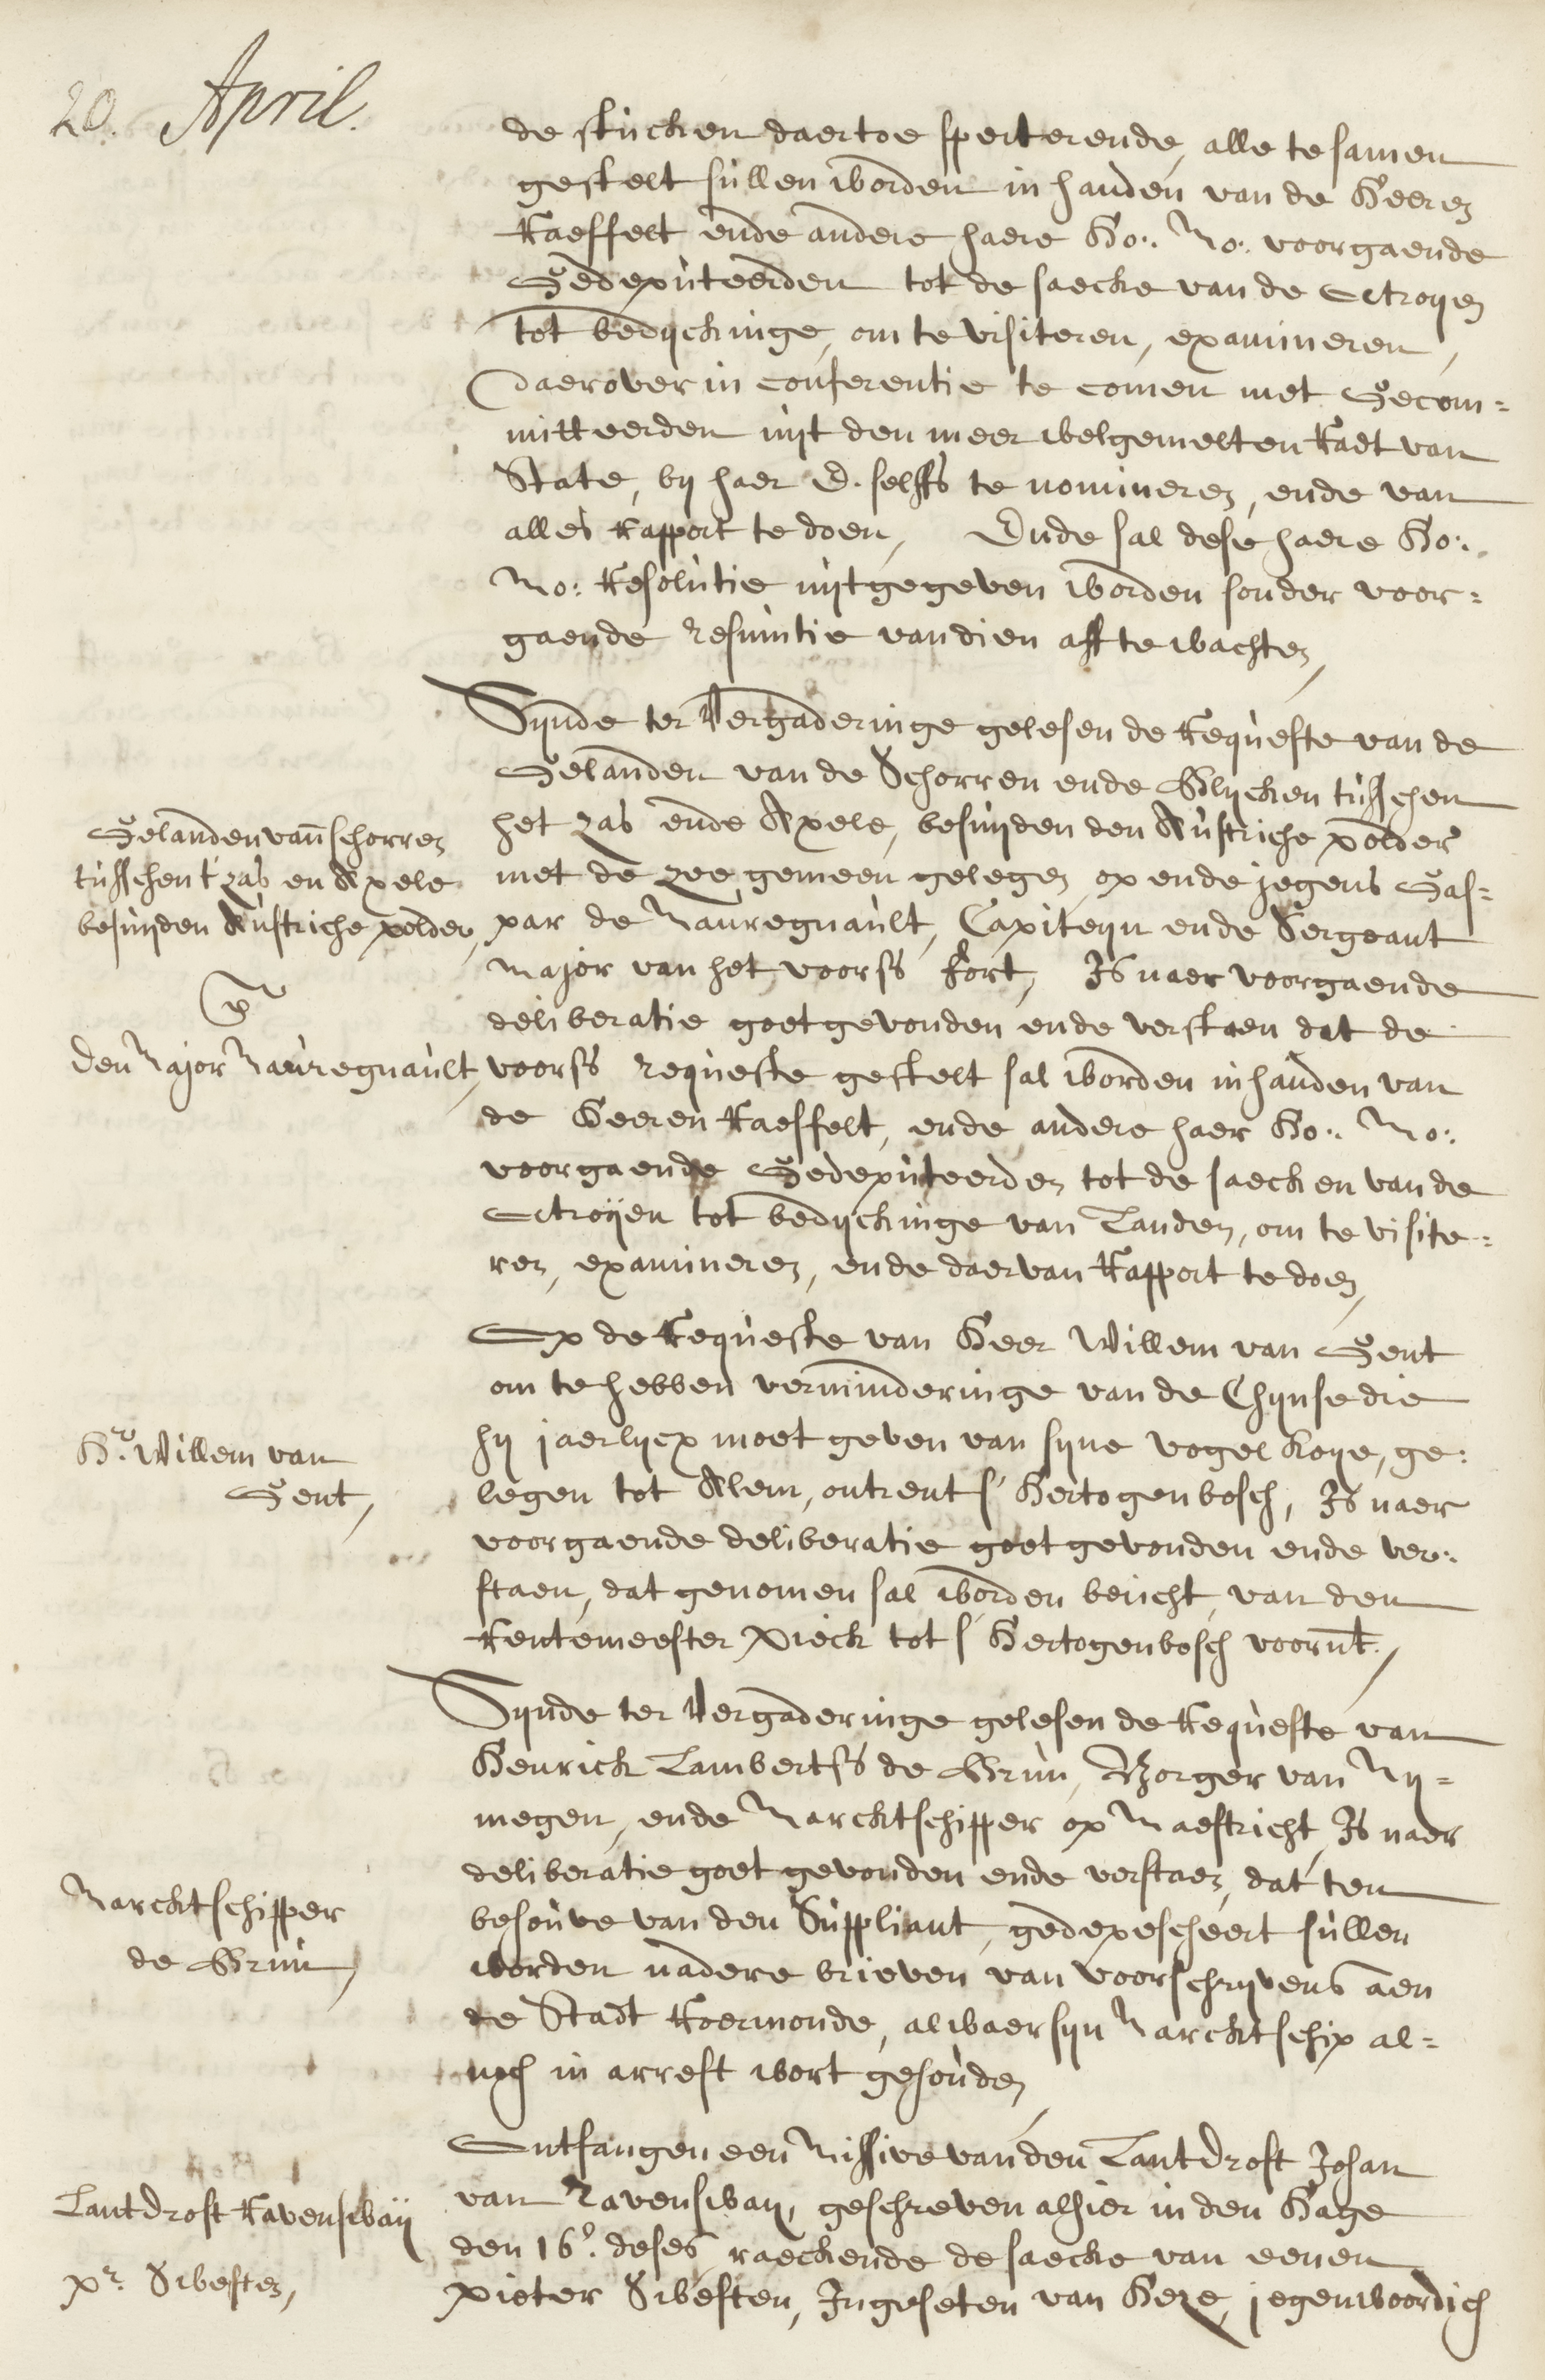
20. April.
de stucken daertoe specterende alle te samen
gestelt sullen worden in handen van de Heeren
Raesfelt ende andere haere Ho:Mo: voorgaende
Gedeputeerden tot de saecke van de Octroyen
tot bedyckinge, om te visiteren, examineren,
daerover in conferentie te comen met Gecom=
mitteerden uyt den meer welgemelten Raet van
State, by haer E. selffs te nomineren, ende van
alles rapport te doen. Ende sal dese haere Ho:
Mo: Resolutie uytgegeven worden sonder voor=
gaende resumtie vandien aff te wachten.
Gelanden van schorren
tusschen t‛ zas en Axele
besuyden Austriche polder
&
Den Major Mauregnault
Synde ter Vergaderinge gelesen de Requeste van de
Gelanden van de Schorren ende Blycken tusschen
het zas ende Axele, besuyden den Austriche polder
met de zee gemeen gelegen op ende jegens Gas=
par de Mauregnault, Capiteyn ende Sergeant
major van het voors fort, Is naer voorgaende
deliberatie goetgevonden ende verstaen dat de
voors requeste gestelt sal worden in handen van
de Heeren Raesfelt, ende andere haer Ho:Mo:
voorgaende Gedeputeerden tot de saecken van de
Otroijen tot bedyckinge van Landen, om te visite=
ten, examineren, ende daervan Rapport te doen.
Hr. Willem van
Gent
Op de Requeste van Heer Willem van Gent
om te hebben verminderinge van de Chynse die
hy jaerlycx moet geven van syne Vogel koye, ge„
legen tot Alem, ontrent s'Hertogenbosch, Is naer
voorgaende deliberatie goetgevonden ende ver,,
staen, dat genomen sal worden bericht van den
Rentemeester Pieck tot s'Hertogenbosch voornt.
Marcktschipper
de Brun.
Synde ter Vergaderinge gelesen de Requeste van
Henrick Lambertsz de Brun, Borger van Ny=
megen, ende Marcktschipper op Maestricht, Is naer
deliberatie goetgevonden ende verstaen, dat ten
behouve van den Suppliant, gedepescheert sullen
worden nadere bieven van voorschryvens aen
de Stadt Roermonde, alwaer syn Marcktschip al=
noch in arrest wert gehouden
Lantdrost Ravenswaij
Pr. Swesten.
Ontfangen een Missive van den Lantdrost Johan
van Ravensway, geschreven alhier in den Hage
den 16e. deses raeckende de saecke van eenen
Pieter Swesten, Ingeseten van Heze jegenwoordich
